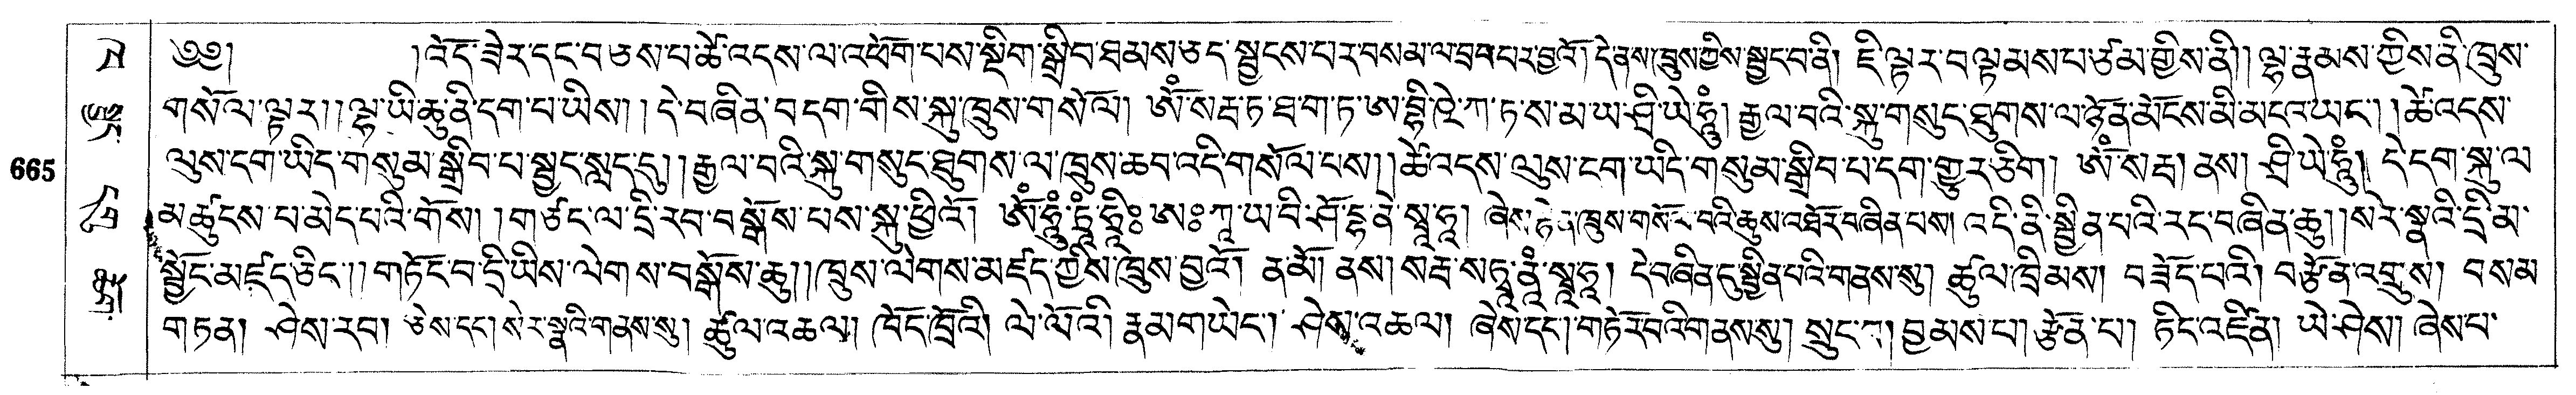༄༅། །འོད་ཟེར་དང་བཅས་པ་ཚེ་འདས་ལ་འཕོགས་པས་སྡིག་སྒྲིབ་ཐམས་ཅད་སྦྱངས་བར་བསམ་ལ་བྲང་པར་བྱའོ། དེ་ནས། བྲུས་ཀྱིས་སྦྱང་བ་ནི། ཇི་ལྟར་བལྟམས་པ་ཙམ་གྱིས་ནི། ལྷ་རྣམས་ཀྱིས་ནི་ཁྲུས་
གསོལ་ལྟར། ལྷ་ཡི་ཆུ་ནི་དག་པ་ཡིས། །དེ་བཞིན་བདག་གིས་སྐུ་ཁྲུས་གསོལ། ཨོཾ་སརྦ་ཏ་ཐ་ག་ཏ་ཨ་བྷི་ཥེ་ཀ་ཏ་ས་མ་ཡ་ཤྲི་ཡེ་ཧཱུཾ། རྒྱལ་བའི་སྐུ་གསུང་ཐུགས་ལ་ཉོན་མོངས་མི་མངའ་ཡང་། །ཚེ་འདས་
ལུས་ངག་ཡིད་གསུམ་སྒྲིབ་པ་སྦྱང་སླད་དུ། །རྒྱལ་བའི་སྐུ་གསུང་ཐུགས་ལ་ཁྲུས་ཆབ་འདི་གསོལ་པས། །ཚེ་འདས་ལུས་ངག་ཡིད་གསུམ་སྒྲིབ་པ་དག་གྱུར་ཅིག །ཨོཾ་སརྦ། ནས། ཤྲི་ཡེ་ཧཱུཾ། དེ་དག་སྐུ་ལ་
མཚུངས་པ་མེད་པའི་གོས། །གཙང་ལ་དྲི་རབ་བསྒོས་པས་སྐུ་ཕྱིའོ། ཨོཾ་ཧཱུཾ་ཏརའཾ་ཧྲཱིཿ ཨཿ ཀཱ་ཡ་བི་ཤོ་དྷ་ནེ་སྭཱ་ཧཱ། ཞེས་རྟེན་ཁྲུས་གསོལ་བའི་ཆུས་འཐོར་བཞིན་པས། འདི་ནི་སྦྱིན་པའི་རང་བཞིན་ཆུ། །སེར་སྣའི་དྲི་མ་
སྦྱོང་མཛད་ཅིང་། །གཏོང་བ་དྲི་ཡིས་ལེགས་བསྒོས་ཆུ། །ཁྲུས་ལེགས་མཛད་ཀྱིས་ཁྲུས་བྱའོ། ན་མོ། ནས། སརྦ་སཏྭཱ་ནཱཾ་སྭཱ་ཧཱ། དེ་བཞིན་དུ་སྦྱིན་པའི་གནས་སུ། ཚུལ་ཁྲིམས། བཟོད་པའི། བརྩོན་འགྲུས། བསམ་
གཏན། ཤེས་རབ། ཅེས་དང་། སེར་སྣའི་གནས་སུ། ཚུལ་འཆལ། ཁོང་ཁྲོའི། ལེ་ལོའི། རྣམ་གཡེང་། ཤེས་འཆལ། ཞེས་དང་། གཏོར་བའི་གནས་སུ། སྲུང་བ། བྱམས་པ། རྩོན་པ། ཏིང་འཛིན། ཡེ་ཤེས། ཞེས་པ་